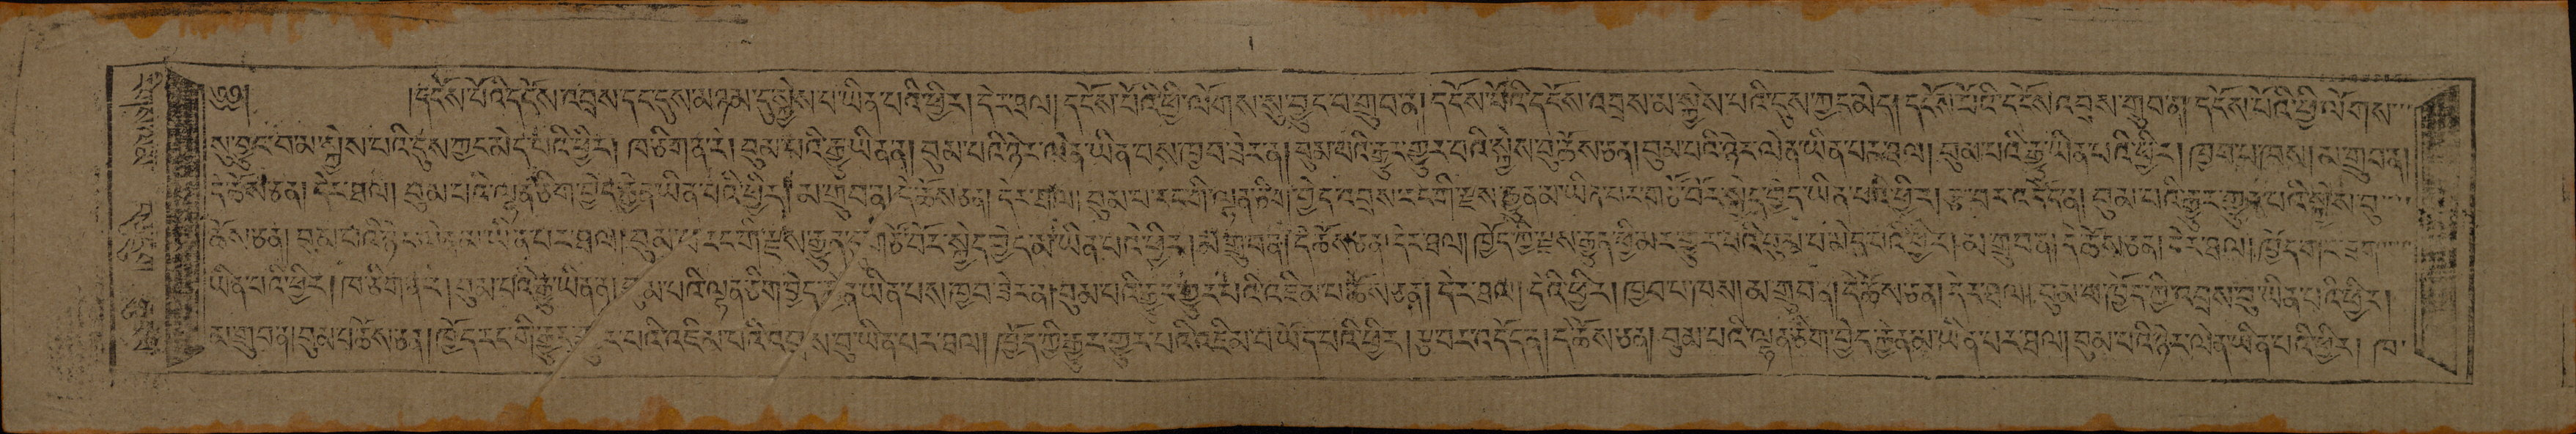༄༅། །དངོས་པོའི་དངོས་འབྲས་དང་དུས་མཉམ་དུ་སྐྱེས་པ་ཡིན་པའི་ཕྱིར། དེར་ཐལ། དངོས་པོའི་ཕྱི་ལོགས་སུ་བྱུང་བ་གྲུབ་ན། དངོས་པོའི་དངོས་འབྲས་མ་སྐྱེས་པའི་དུས་ཀྱང་མེད། དངོས་པོའི་དངོས་འབྲས་གྲུབ་ན། དངོས་པོའི་ཕྱི་ལོགས་
སུ་བྱུང་བ་མ་སྐྱེས་པའི་དུས་ཀྱང་མེད་པའི་ཕྱིར། ཁ་ཅིག་ན་རེ། བུམ་པའི་རྒྱུ་ཡིན་ན། བུམ་པའི་ཉེར་ལེན་ཡིན་པས་ཁྱབ་ཟེར་ན། བུམ་པའི་རྒྱུར་གྱུར་བའི་སྐྱེས་བུ་ཆོས་ཅན། བུམ་པའི་ཉེར་ལེན་ཡིན་པར་ཐལ། བུམ་པའི་རྒྱུ་ཡིན་པའི་ཕྱིར། ཁྱབ་པ་ཁས། མ་གྲུབ་ན།
དེ་ཆོས་ཅན། དེར་ཐལ། བུམ་པའི་ལྷན་ཅིག་བྱེད་རྐྱེན་ཡིན་པའི་ཕྱིར། མ་གྲུབ་ན། དེ་ཆོས་ཅན། དེར་ཐལ། བུམ་པ་རང་གི་ལྷན་ཅིག་བྱེད་འབྲས་རང་གི་རྫས་རྒྱུན་མ་ཡིན་པར་གཙོ་བོར་སྐྱེད་བྱེད་ཡིན་པའི་ཕྱིར། རྩ་བར་འདོད་ན། བུམ་པའི་རྒྱུར་གྱུར་པའི་སྐྱེས་བུ་
ཆོས་ཅན། བུམ་པའི་ཉེར་ལེན་མ་ཡིན་པར་ཐལ། བུམ་པ་རང་གི་རྫས་རྒྱུན་དུ་གཙོ་བོར་སྐྱེད་བྱེད་མ་ཡིན་པའི་ཕྱིར། མ་གྲུབ་ན། དེ་ཆོས་ཅན། དེར་ཐལ། ཁྱོད་ཀྱི་རྫས་རྒྱུན་ཕྱི་མར་གྱུར་པའི་བུམ་པ་མེད་པའི་ཕྱིར། མ་གྲུབ་ན། དེ་ཆོས་ཅན། དེར་ཐལ། ཁྱོད་གང་ཟག་
ཡིན་པའི་ཕྱིར། ཁ་ཅིག་ན་རེ། བུམ་པའི་རྒྱུ་ཡིན་ན། བུམ་པའི་ལྷན་ཅིག་བྱེད་རྐྱེན་ཡིན་པས་ཁྱབ་ཟེར་ན། བུམ་པའི་རྒྱུར་གྱུར་པའི་འཇིམ་པ་ཆོས་ཅན། དེར་ཐལ། དེའི་ཕྱིར། ཁྱབ་པ་ཁས། མ་གྲུབ་ན། དེ་ཆོས་ཅན། དེར་ཐལ། བུམ་པ་ཁྱོད་ཀྱི་འབྲས་བུ་ཡིན་པའི་ཕྱིར།
མ་གྲུབ་ན། བུམ་པ་ཆོས་ཅན། ཁྱོད་རང་གི་རྒྱུར་གྱུར་པའི་འཇིམ་པའི་འབྲས་བུ་ཡིན་པར་ཐལ། ཁྱོད་ཀྱི་རྒྱུར་གྱུར་པའི་འཇིམ་པ་ཡོད་པའི་ཕྱིར། རྩ་བར་འདོད་ན། དེ་ཆོས་ཅན། བུམ་པའི་ལྷན་ཅིག་བྱེད་རྐྱེན་མ་ཡིན་པར་ཐལ། བུམ་པའི་ཉེར་ལེན་ཡིན་པའི་ཕྱིར། ཁ་